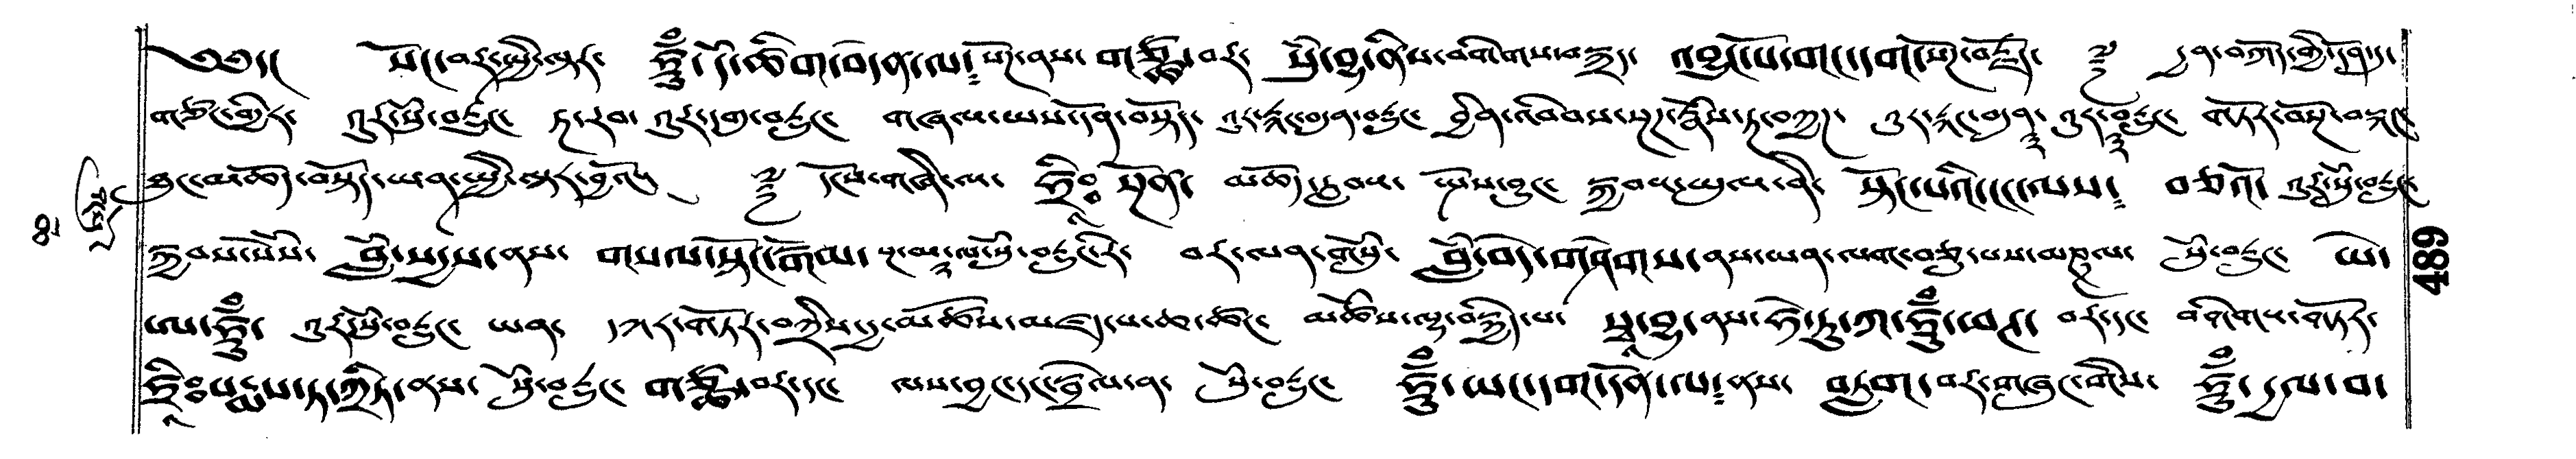སོང། བར་སྤྱི་ལྟར། ཧཱུྃ། དམ་ཚིག་བདེན་ལ༴ སོགས་ནས་གཙྪ༴ བར། སུམ་བྷ་ནི ས་བགེགས་བསྐྲད། འབྱུང་པོ་གང་དག༴ སོགས་བརྗོད། ༈ རྒྱན་བཀོད་ཀྱི་དོན་དུ་
གཙང་གྱེར། ( འུར་སུམ་བརྡུང་། རྔ་རབ་འུདར་དགུ་བརྡུང་། ) གཞལ་ཡས་དོན་བསྟོད། ( འུར་རྐང་བདུན་བརྡུང་། ) བྱིན་འབེབས་ ( སྔགས་རྣམས་རྔ་བཀྱགས། འུར་རྐང་བདུན་གསུམ། འུར་གསུམ་བརྡུང་། ) གཏོར་བསྔོ་བསྐང་
ཐུང་མཆོད་བསྟོད་ཡན་སྤྱི་ལྟར་བྱའོ། ༈ དངོས་གཞི་ལ། ཧྲཱིཿསྔོན༴ མཆོད་རླབས། སྤོས་ཕྱུང་། སྐྱབས་ཡུལ་ནི། སྟོང་པའི་ངང་ལས༴ བཅའ་འོ། ( འུར་སུམ་བརྡུང་ ) 
སྐྱབས་སེམས། བླ་མ་སངས་རྒྱས༴ ནས། གསལ་སྟོང་སྒོམ། ( སྔ་མ་གཉིས་ལ་སུམ་བརྡུང་རེ། ) བར་ལན་གསུམ། བླ་མ་བདེ་གཤེགས༴ ནས་ཡན་ལག་བཅུ་པས་མཎྜལ། ( སུམ་བརྡུང་། ) ཡེ་
ཨ་ཧཱུྃ། འུར་སུམ་བརྡུང་། ཡན། དཀར་གཏོར་བཀྲ་ཤིས་རྒྱ་མཚོས་མཛད་པ་ཆ་ཚང་།མཚམས་ལྷ་བསྐྱེད་པ། སྭ་བྷ་ཝ༴ ནས། ཧེ་རུ་ཀ་ཧཱུྃ་ཕཊཿ བར་དང་། བགེགས་གཏོར། 
ཧྲཱིཿཔདྨ་ཏ་ཀྲིཏ༴ ནས། སུམ་བརྡུང་། གཙྪ༴ བར་དང་། ལས་བྱང་དང་སྦྲེལ་ན། ( སུམ་བརྡུང་། ) ཧཱུྃ༔ ཡང་དག་དོན་ལ༴ ནས། བརླག༔ བར་གཞུང་གིས། ཧཱུྃ༔ རྒྱལ་བ་